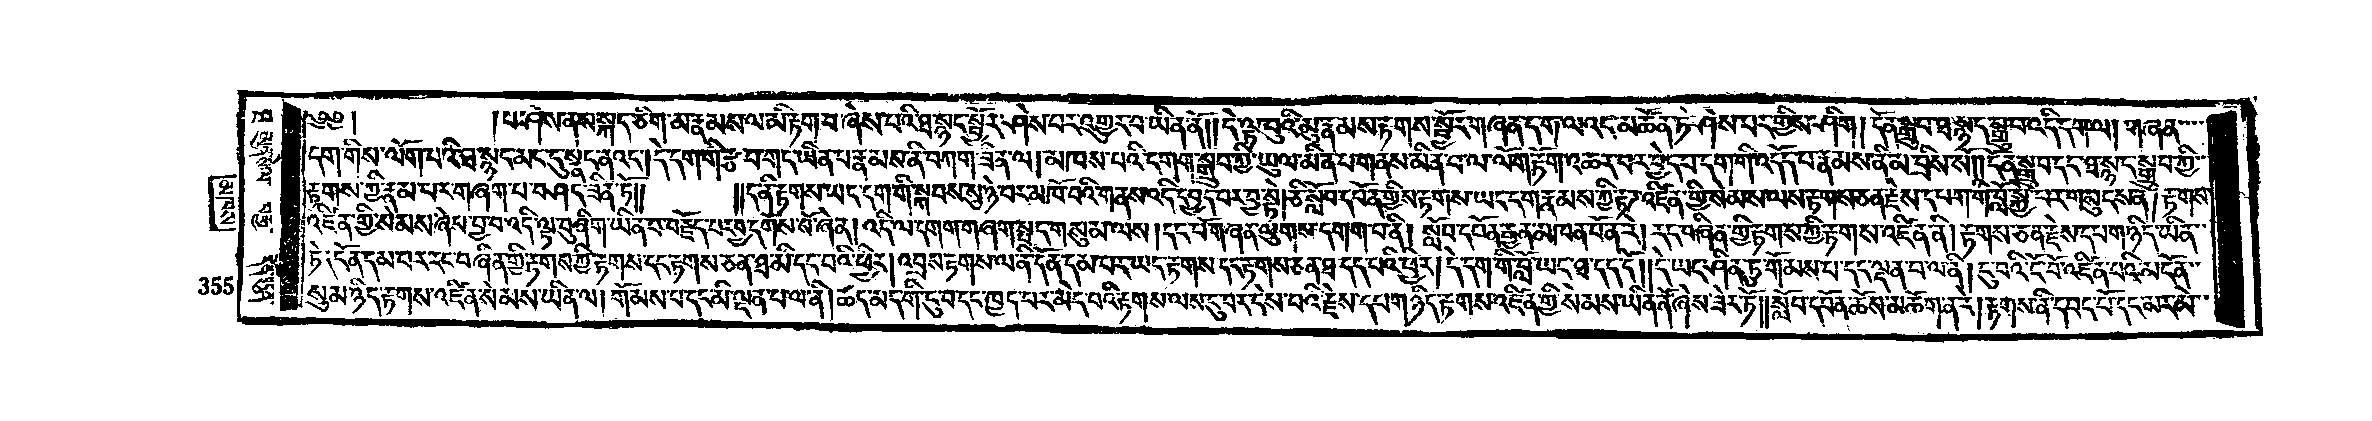༄༅། །པ་ཤེས་ནས་སྐད་ཅིག་མ་རྣམས་ལ་མི་རྟག་པ་ཞེས་པའི་ཐ་སྙད་སྦྱོར་ཤེས་པར་འགྱུར་བ་ཡིན་ནོ། །དེ་ལྟ་བུའི་མུ་རྣམས་རྟགས་སྦྱོར་གཞན་དག་ལའང་མཚོན་ཏེ་ཤེས་པར་གྱིས་ཤིག །དོན་སྒྲུབ་ཐ་སྙད་སྒྲུབ་འདི་དག་ལ། གཞན་
དག་གིས་ལོག་པའི་ཐ་སྙད་མང་དུ་སྣང་ནའང་། དེ་དག་གི་རྩ་བ་གང་ཡིན་པ་རྣམས་ནི་བཀག་ཟིན་ལ། མཁས་པའི་དགག་སྒྲུབ་ཀྱི་ཡུལ་མིན་པ་གནས་མིན་པ་ལ་ལོག་རྟོག་འཆར་བར་བྱེད་པ་དག་གི་འདོད་པ་རྣམས་ནི་མ་བྲིས་སོ། །དོན་སྒྲུབ་དང་ཐ་སྙད་སྒྲུབ་ཀྱི་
རྟགས་ཀྱི་རྣམ་པར་གཞག་པ་བཤད་ཟིན་ཏོ།། །།ད་ནི་རྟགས་ཡང་དག་གི་སྐབས་སུ་ཉེ་བར་མཁོ་བའི་གནས་འདི་དཔྱད་པར་བྱ་སྟེ། ཅི་སློབ་དཔོན་གྱིས་རྟགས་ཡང་དག་རྣམས་ཀྱི་རྟཌ་འཛིན་གྱི་སེམས་ལས་རྟགས་ཅན་རྗེས་དཔག་གི་བློ་སྐྱེ་པར་གསུངས་ན། རྟགས་
འཛིན་གྱི་སེམས་ཞེས་བྱ་བ་འདི་ལྟ་བུ་ཞིག་ཡིན་པ་བརྗོད་པར་བྱ་དགོས་སོ་ཞེ་ན། འདི་ལ་དགག་གཞག་སྤང་གསུམ་ལས། དང་པོ་གཞན་ལུགས་དགག་པ་ནི། སློབ་དཔོན་རྒྱན་མཁན་པོ་ན་རེ། རང་བཞིན་གྱི་རྟགས་ཀྱི་རྟགས་འཛིན་ནི། རྟགས་ཅན་རྗེས་དཔག་ཉིད་ཡིན་
ཏེ༑ དོན་དམ་པར་རང་བཞིན་གྱི་རྟགས་ཀྱི་རྟགས་དང་རྟགས་ཅན་ཐ་མི་དད་པའི་ཕྱིར། འབྲས་རྟགས་ལ་ནི་དོན་དམ་པར་ཡང་རྟགས་དང་རྟགས་ཅན་ཐ་དད་པའི་ཕྱིར། དེ་དག་གི་བློ་ཡང་ཐ་དད་དོ། །དེ་ཡང་ཤིན་ཏུ་གོམས་པ་དང་ལྡན་པ་ལ་ནི། དུ་བའི་ངོ་བོ་འཛིན་པའི་མངོན་
སུམ་ཉིད་རྟགས་འཛིན་སེམས་ཡིན་ལ། གོམས་པ་དང་མི་ལྡན་པ་ལ་ནི། ཚད་མེད་གི་དུ་བ་དང་ཁྱད་པར་མེད་པའི་རྟགས་ལས་དུ་བར་ངེས་པའི་རྗེས་དཔག་གཉིད་རྟགས་འཛིན་གྱི་སེམས་ཡིན་ནོ་ཞེས་ཟེར་ཏོ། །སློབ་དཔོན་ཆོས་མཆོག་ན་རེ། རྟགས་ནི་དབང་པོ་དང་མར་མེ་